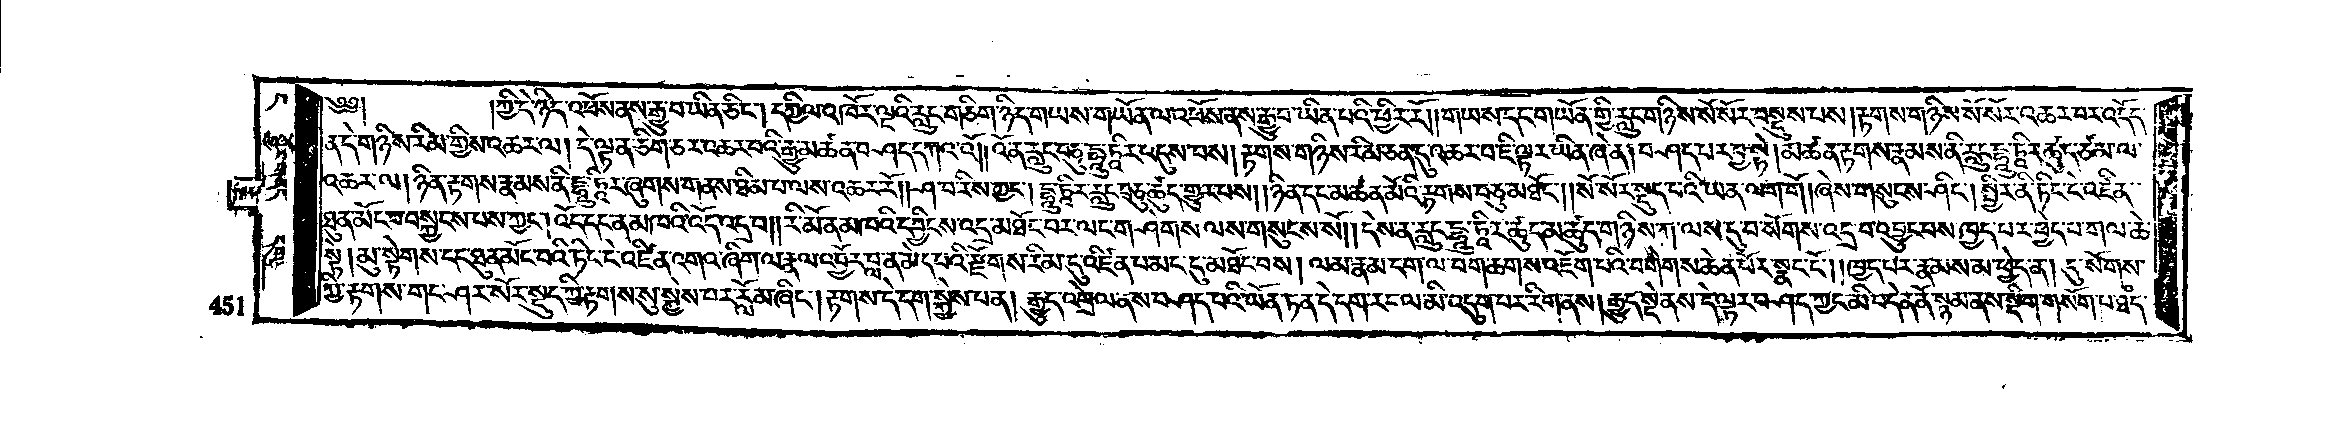༄༅། །ཀྱི་དེ་ཉིད་འཕོས་ནས་རྒྱུ་བ་ཡིན་ཅིང་། དཀྱིལ་འཁོར་ལྔའི་རླུང་གཅིག་ཉིད་གཡས་གཡོན་ལ་འཕོས་ནས་རྒྱུ་བ་ཡིན་པའི་ཕྱིར་རོ། །གཡས་དང་གཡོན་གྱི་རླུང་གཉིས་སོ་སོར་བསྡུས་པས། རྟགས་གཉིས་སོ་སོར་འཆར་བར་འདོད་
ན་དེ་གཉིས་རིམ་གྱིས་འཆར་ལ། དེ་ལྟ་ན་ཅིག་ཅར་འཆར་བའི་རྒྱུ་མཚན་བཤད་དཀའ་འོ། །འོ་ན་རླུང་བཅུ་དྷཱུ་ཏཱིར་འདུས་པས། རྟགས་གཉིས་རིམ་ཅན་དུ་འཆར་བ་ཇི་ལྟར་ཡིན་ཞེ་ན། བཤད་པར་བྱ་སྟེ། མཚན་རྟགས་རྣམས་ནི་རླུང་དྷཱུ་ཏཱིར་ཚུད་ཙམ་ལ་
འཆར་ལ། ཉིན་རྟགས་རྣམས་ནི་དྷཱུ་ཏཱིར་ཞུགས་གནས་ཐིམ་པ་ལས་འཆར་རོ། །ཤ་བ་རིས་ཀྱང་། དྷཱུ་ཏཱིར་རླུང་བཅུ་ཚུད་གྱུར་པས། །ཉིན་དང་མཚན་མོའི་རྟགས་བཅུ་མཐོང་། །སོ་སོར་སྡུད་པའི་ཡན་ལག་གོ །ཞེས་གསུངས་ཤིང་། སྤྱིར་ནི་ཏིང་ངེ་འཛིན་
ཐུན་མོང་བ་བསྐྱངས་པས་ཀྱང་། འོད་དང་ནམ་མཁའི་འོད་འདྲ་བ། །རི་མོ་ནམ་མཁའི་དབྱིངས་འདྲ་མཐོང་བར་ལང་གཤེགས་ལས་གསུངས་སོ། །དེས་ན་རླུང་དྷཱུ་ཏཱིར་ཚུད་མ་ཚུད་གཉིས་ཀ་ལས་དུ་བ་སོགས་འདྲ་བ་འབྱུང་བས་ཁྱད་པར་ཕྱེད་པ་གལ་ཆེ་
སྟེ། མུ་སྟེགས་དང་ཐུན་མོང་བའི་ཏིང་ངེ་འཛིན་འགའ་ཞིག་ལ་རྣལ་འབྱོར་བླ་ན་མེད་པའི་རྫོགས་རིམ་དུ་འཛིན་པ་མང་དུ་མཐོང་བས། ལམ་རྣམ་དག་ལ་བག་ཆགས་འཇོག་པའི་བགེགས་ཆེན་པོར་སྣང་ངོ། །ཁྱད་པར་རྣམས་མ་ཕྱེད་ན། དུ་སོགས་
ཀྱི་རྟགས་གང་ཤར་སོར་སྡུད་ཀྱི་རྟགས་སུ་སྐྱེས་པར་རློམ་ཞིང་། རྟགས་དེ་དག་སྐྱེས་པ་ན། རྒྱུད་འགྲེལ་ནས་བཤད་པའི་ཡོན་ཏན་དེ་དག་རང་ལ་མི་འདུག་པར་རིག་ནས། རྒྱུད་སྡེ་ནས་དེ་ལྟར་བཤད་ཀྱང་མི་བདེན་ནོ་སྙམ་ནས་སྡིག་གསོག་པ་ཐམས་ཅད་